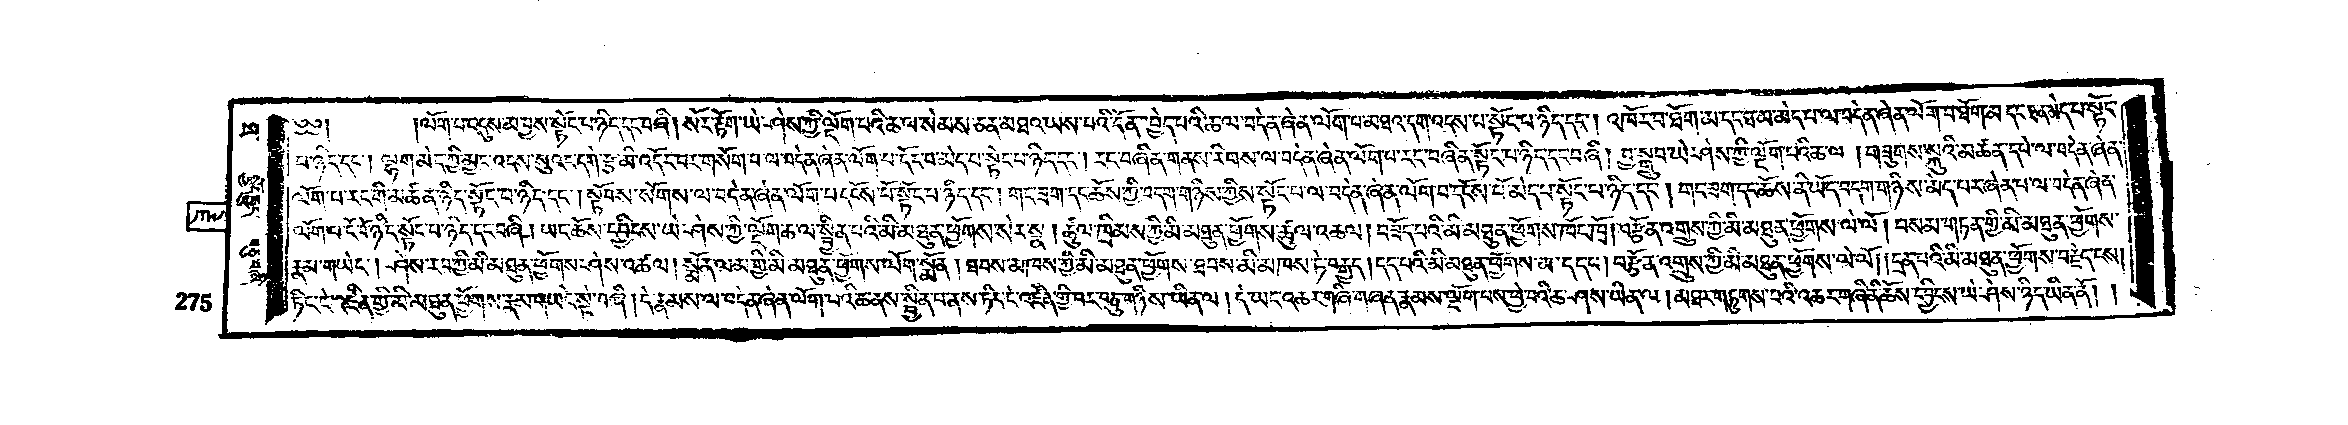༄༅། །ལོག་པ་འདུས་མ་བྱས་སྟོང་པ་ཉིད་དང་བཞི། སོར་རྟོག་ཡེ་ཤེས་ཀྱི་ལྡོག་པའི་ཆ་ལ་སེམས་ཅན་མཐའ་ཡས་པའི་དོན་བྱེད་པའི་ཆ་ལ་བདེན་ཞེན་ལོག་པ་མཐའ་དག་འདས་པ་སྟོང་པ་ཉིད་དང་། འཁོར་བ་ཐོག་མ་དང་ཐ་མ་མེད་པ་ལ་བདེན་ཞེན་ལོག་པ་ཐོག་མ་དང་ཐ་མེད་པ་སྟོང་
པ་ཉིད་དང་། ལྷག་མེད་ཀྱི་མྱང་འདས་སུའང་དགེ་རྩ་མི་འདོར་བར་གསོག་པ་ལ་བདེན་ཞེན་ལོག་པ་དོར་བ་མེད་པ་སྟོང་པ་ཉིད་དང་། རང་བཞིན་གནས་རིགས་ལ་བདེན་ཞེན་ལོག་པ་རང་བཞིན་སྟོང་པ་ཉིད་དང་། བཞི། བྱ་སྒྲུབ་ཡེ་ཤེས་ཀྱི་ལྡོག་པའི་ཆ་ལ། གཟུགས་སྐུའི་མཚན་དཔེ་ལ་བདེན་ཞེན་
ལོག་པ་རང་གི་མཚན་ཉིད་སྟོང་པ་ཉིད་དང་། སྟོབས་སོགས་ལ་བདེན་ཞེན་ལོག་པ་དངོས་པོ་སྟོང་པ་ཉིད་དང་། གང་ཟག་དང་ཆོས་ཀྱི་བདག་གཉིས་ཀྱིས་སྟོང་པ་ལ་བདེན་ཞེན་ལོག་པ་དངོས་པོ་མེད་པ་སྟོང་པ་ཉིད་དང་། གང་ཟག་དང་ཆོས་ནི་ཡོད་བདག་གཉིས་མེད་པར་ཞེན་པ་ལ་བདེན་ཞེན་
ལོག་པ་ངོ་བོ་ཉིད་སྟོང་པ་ཉིད་དང་བཞི། ཡང་ཆོས་དབྱིངས་ཡེ་ཤེས་ཀྱི་ལྡོག་ཆལ་ལ་སྦྱིན་པའི་མི་མཐུན་ཕྱོགས་སེར་སྣ། ཚུལ་ཁྲིམས་ཀྱི་མི་མཐུན་ཕྱོགས་ཚུལ་འཆལ། བཟོད་པའི་མི་མཐུན་ཕྱོགས་ཁོང་ཁྲོ། བརྩོན་འགྲུས་ཀྱི་མི་མཐུན་ཕྱོགས་ལེ་ལོ། བསམ་གཏན་གྱི་མི་མཐུན་ཕྱོགས་
རྣམ་གཡེང་། ཤེས་རབ་ཀྱི་མི་མཐུན་ཕྱོགས་ཤེས་འཆལ། སྨོན་ལམ་གྱི་མི་མཐུན་ཕྱོགས་ལོག་སྨོན། ཐབས་འཁས་ཀྱི་མི་མཐུན་ཕྱོགས་ཐབས་མི་མཁས་ཏེ་བརྒྱད། དད་པའི་མི་མཐུན་ཕྱོགས་མ་དད་པ། བརྩོན་འགྲུས་ཀྱི་མི་མཐུན་ཕྱོགས་ལེ་ལོ། །བསམ་གཏན་གྱི་མི་མཐུན་ཕྱོགས་
རྣམ་གཡེང་ཤེས་རབ་ཀྱི་མི་མཐུན་ཕྱོགས་ཤེས་འཆལ། སྨོན་ལམ་གྱི་མི་མཐུན་ཕྱོགས་ལོག་སྨོན། ཐབས་མཁས་ཀྱི་མི་མཐུན་ཕྱོགས་ཐབས་མི་མཁས་ཏེ་བརྒྱད། །དད་པའི་མི་མཐུན་ཕྱོགས་མ་དད་པ། བརྩོན་འགྲུས་ཀྱི་མི་མཐུན་ཕྱོགས་ལེ་ལོ། །དྲན་པའི་མི་མཐུན་ཕྱོགས་བརྗེད་ངས།
ཏིང་ངེ་འཛིན་གྱི་མི་མཐུན་ཕྱོགས་རྣམ་གཡེང་སྟེ་བཞི། དེ་རྣམས་ལ་བདེན་ཞེན་ལོག་པའི་ཆ་ནས་སྦྱིན་པ་ནས་ཏིང་ངེ་འཛིན་གྱི་བར་བཅུ་གཉིས་ཡིན་ལ། དེ་ཡང་འཆར་གཞི་གཞན་རྣམས་ལྡོག་པས་བྱེད་པའི་ཆ་ཤས་ཡིན་ལ། མཐར་གཏུགས་པའི་འཆར་གཞི་ནི་ཆོས་དབྱིངས་ཡེ་ཤེས་ཉིད་ཡིན་ནོ། །